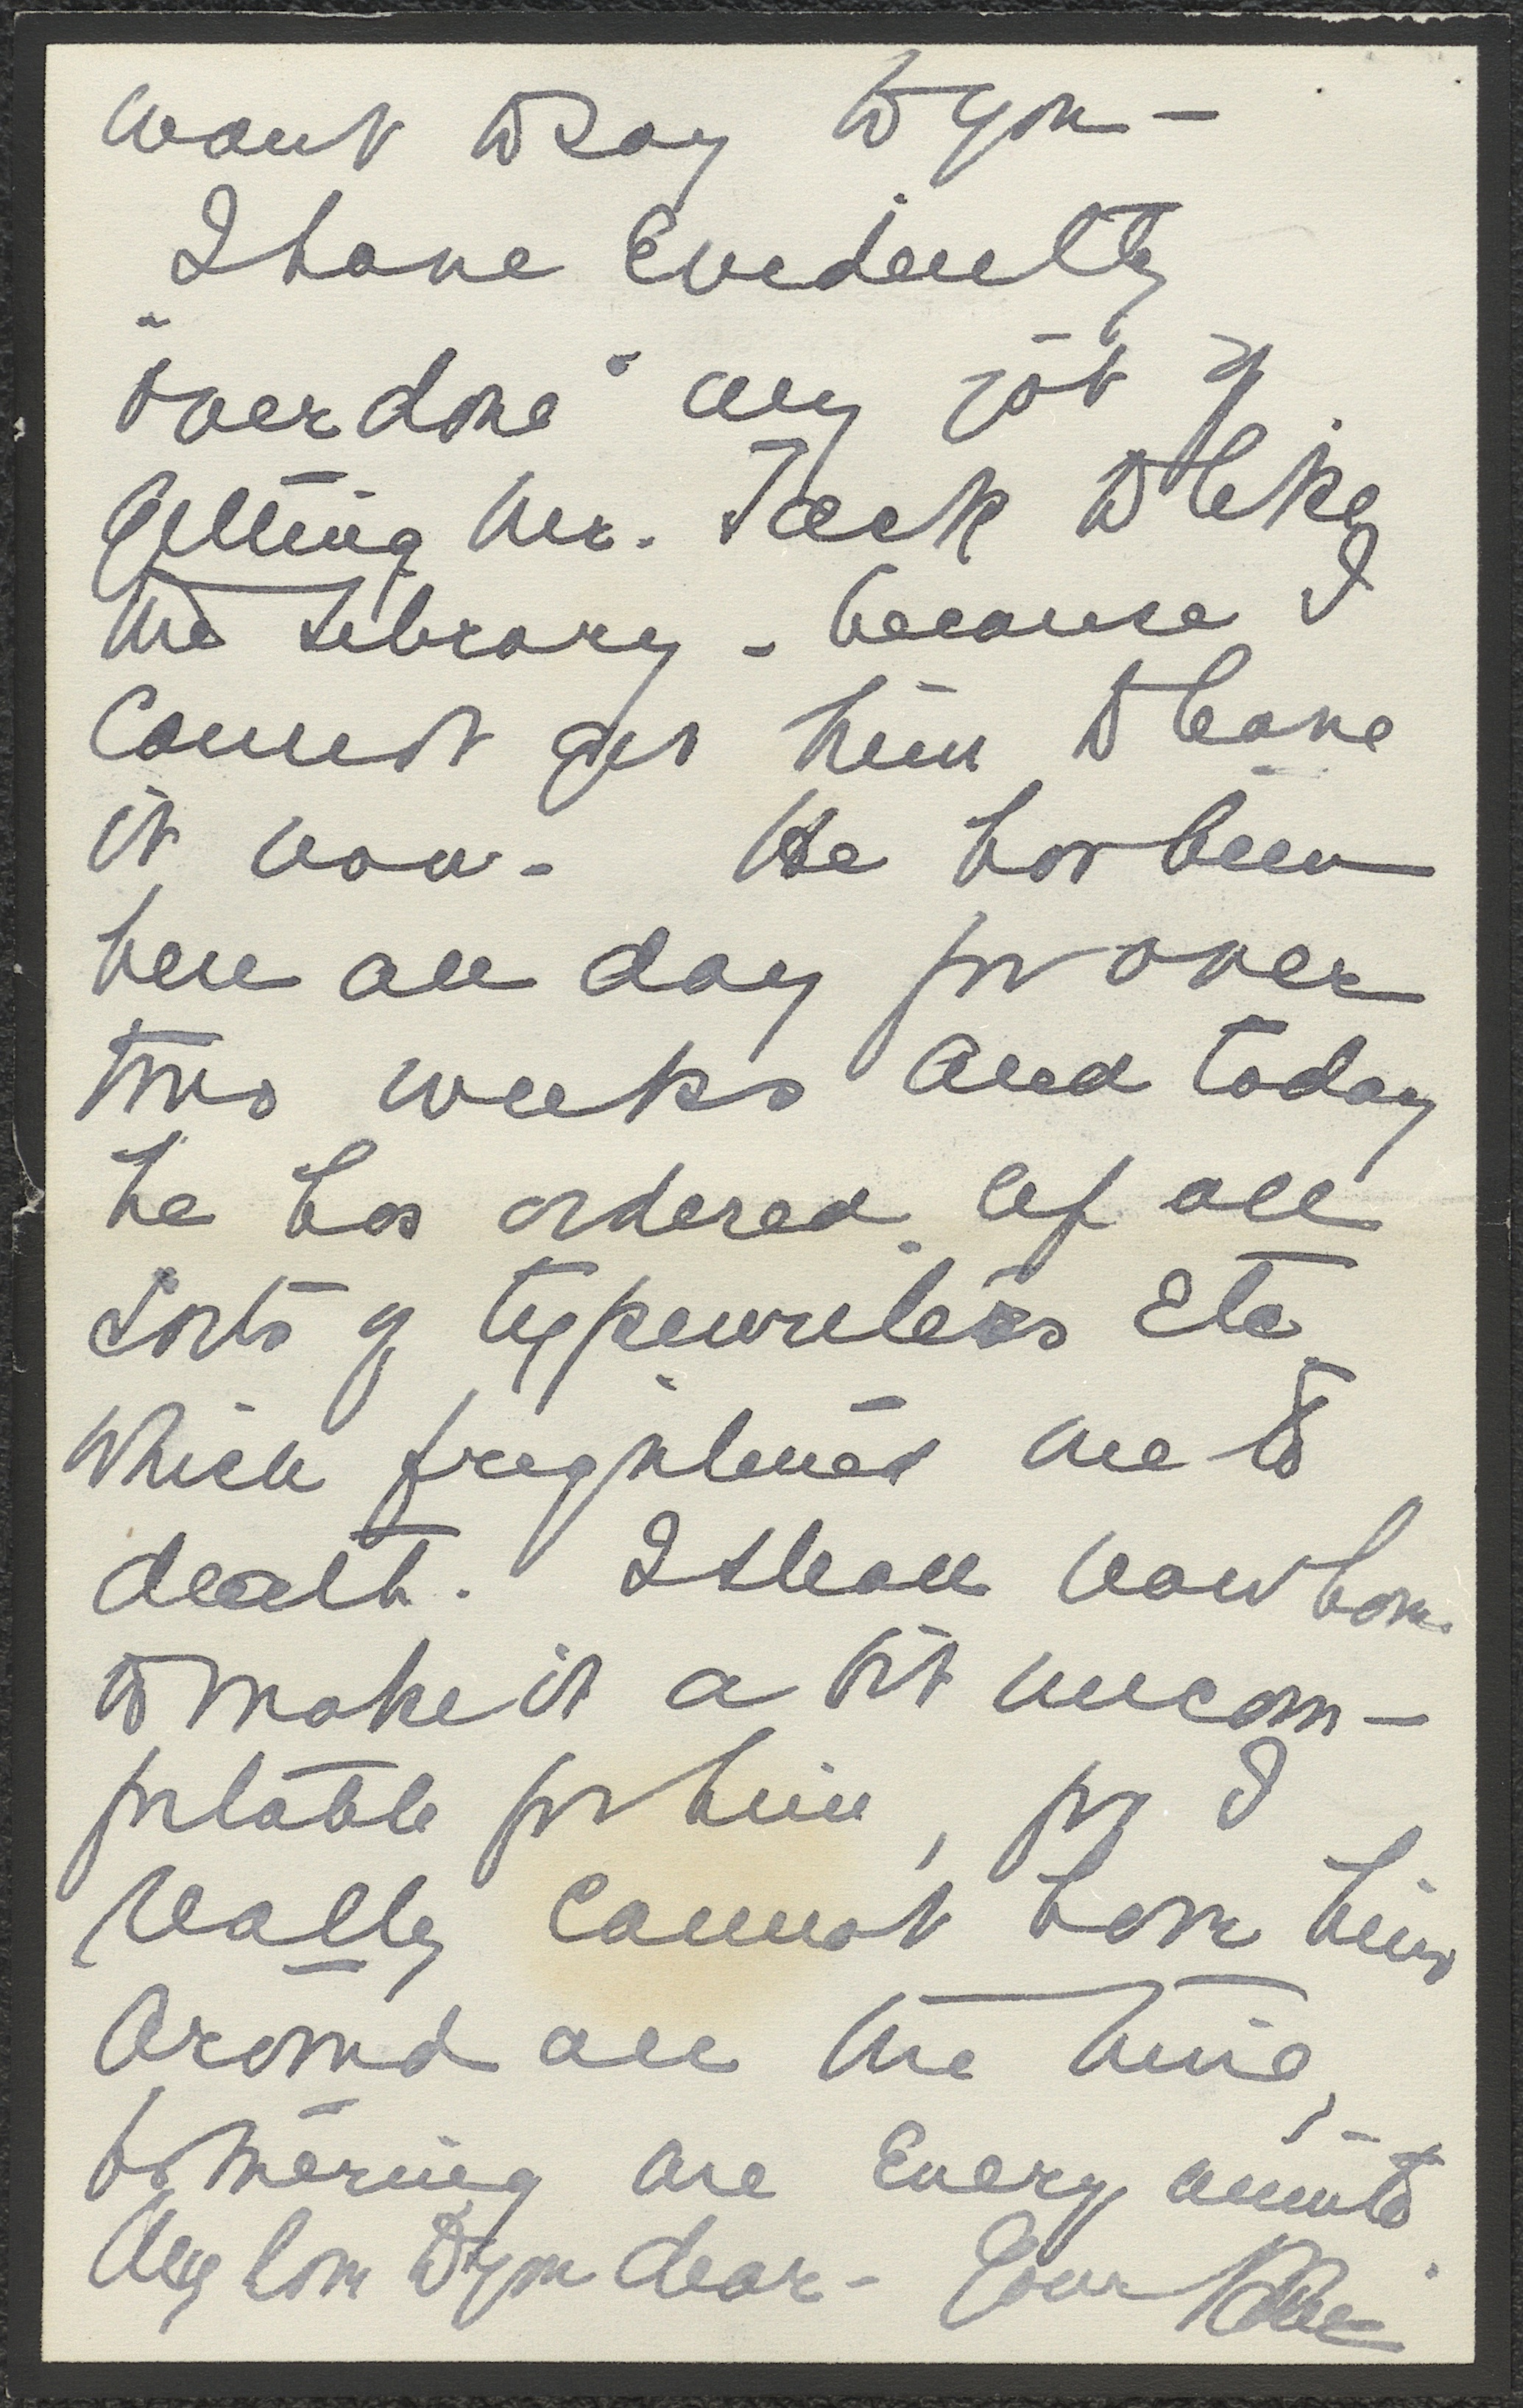want to say to you –
I have evidently “overdone” my job of getting Mr. Jack to like the Library – because I cannot get him to leave it now – He has been here all day for over two weeks and today he has ordered up all sorts of typewriters etc which frightened me to death. I shall now have to make it a bit uncomfortable for him, for I really cannot have him around all the time, bothering me every minute
My love to you dear – Your Belle